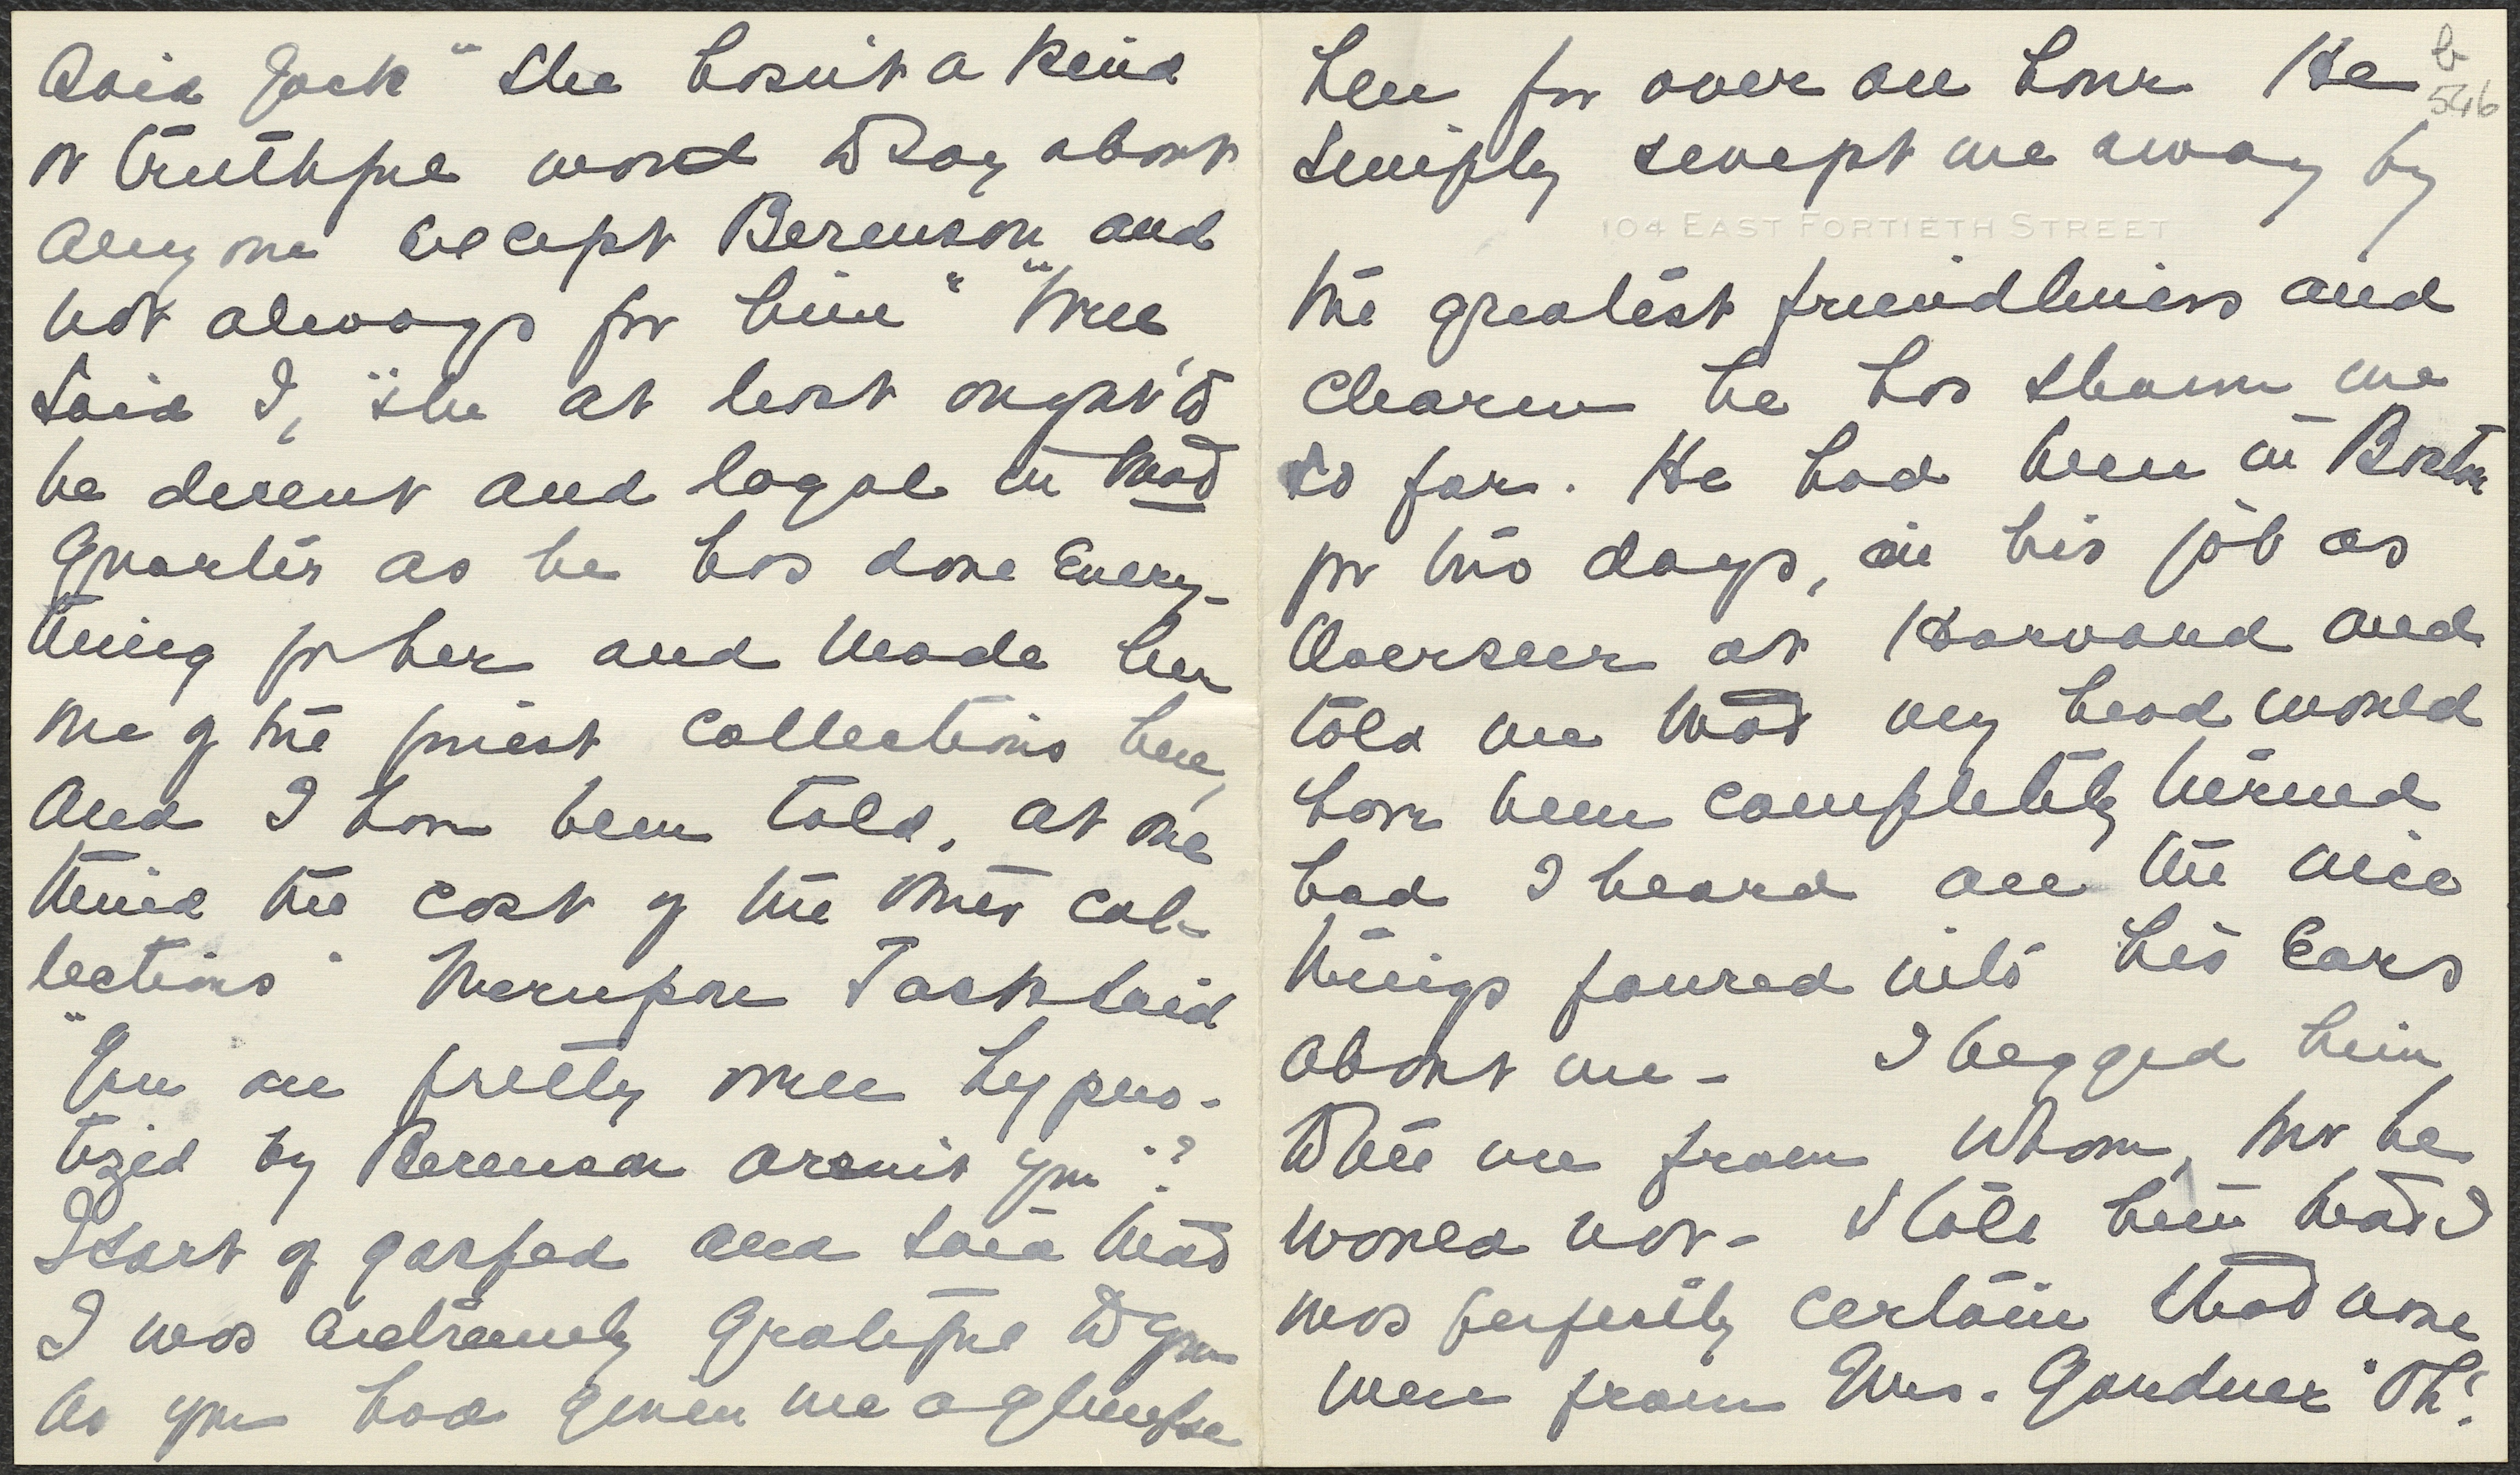here for over an hour He simply swept me away by the greatest friendliness and charm he has shown me so far. He had been in Boston for two days, in his job as Overseer at Harvard and told me that my head would have been completely turned had I heard all the nice things poured into his ears about me – I begged him to tell me from whom but he would not – I told him that I was perfectly certain that none were from Mrs. Gardner “Oh!
said Jack “She hasn’t a kind or truthful word to say about anyone except Berenson and not always for him” “Well, said I, “she at least ought to be decent and loyal in that quarter as he has done everything for her and made her one of the finest collections here, and I have been told, at one third the cost of the other collections” Therefore Jack said “You are pretty well hypnotized by Berenson aren’t you”? I sort of gasped and said that I was extremely grateful to you as you had given me a glimpse